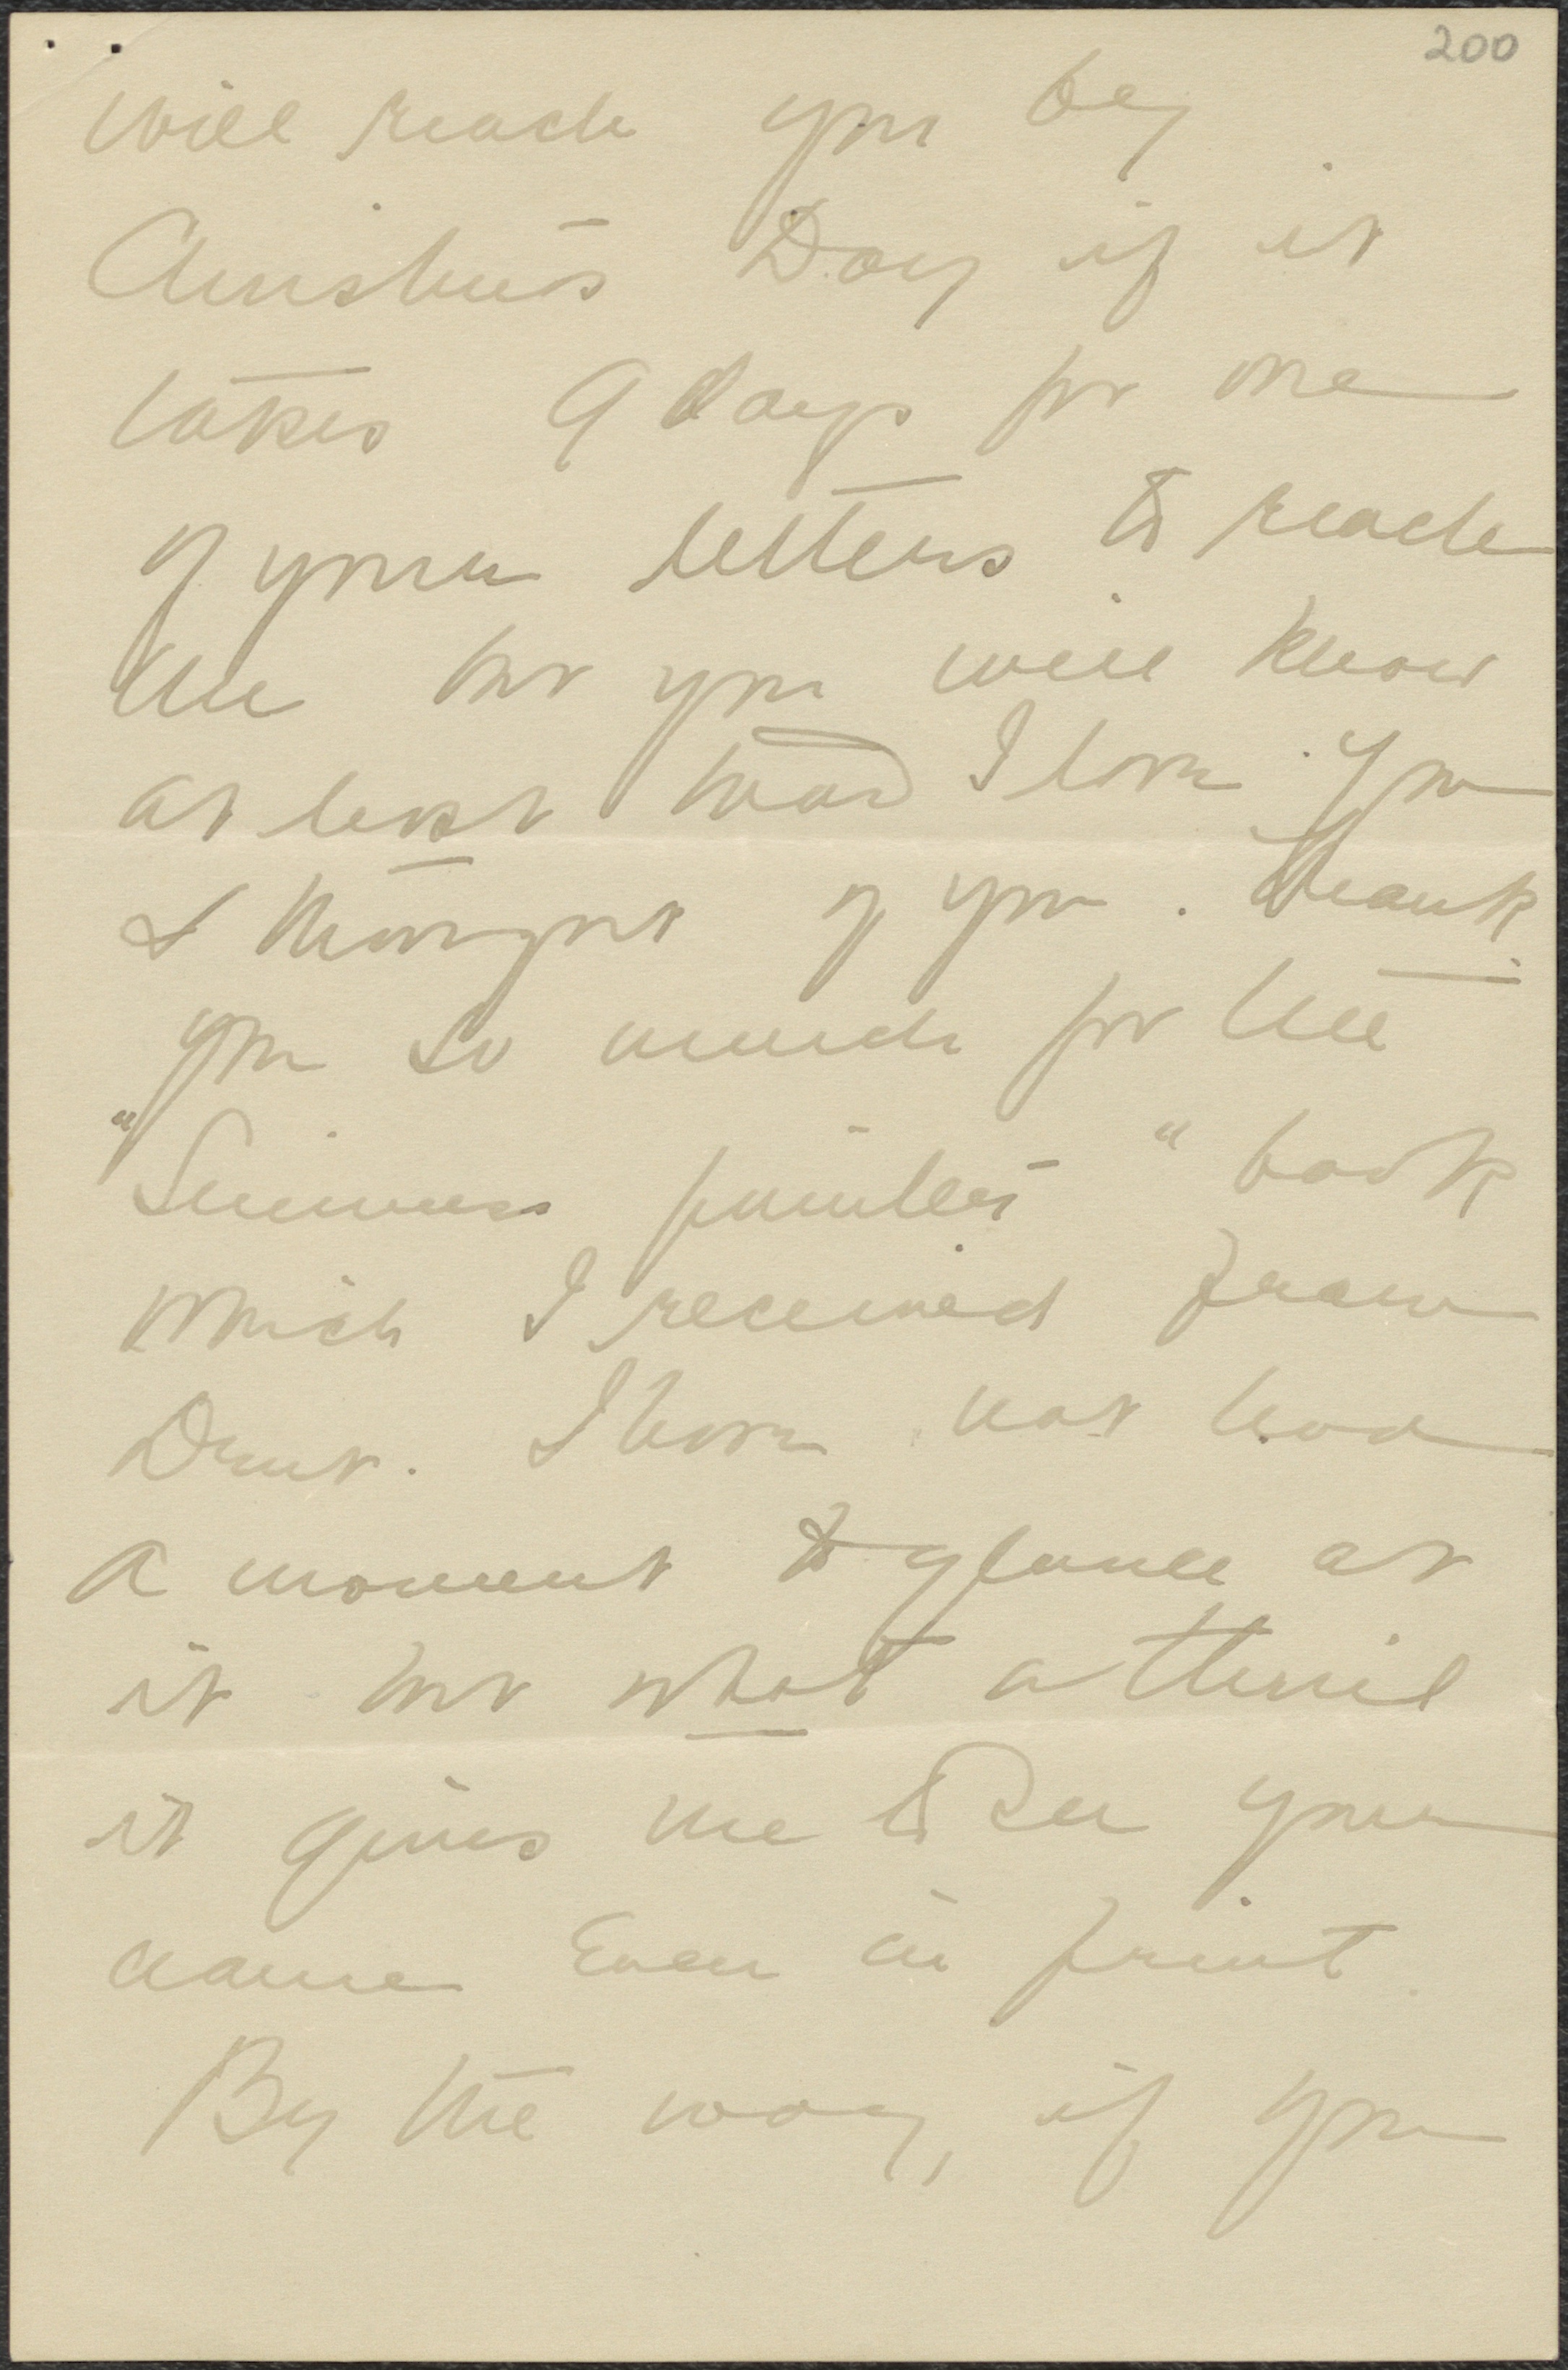will reach you by Christmas Day if it takes 9 days for one of your letters to reach me but you will know at least that I love you & thought of you. Thank you so much for the “Sienese painter” book which I received from Dent. I have not had a moment to glance at it but what a thrill it gives me to see your name even in print.
By the way, if you